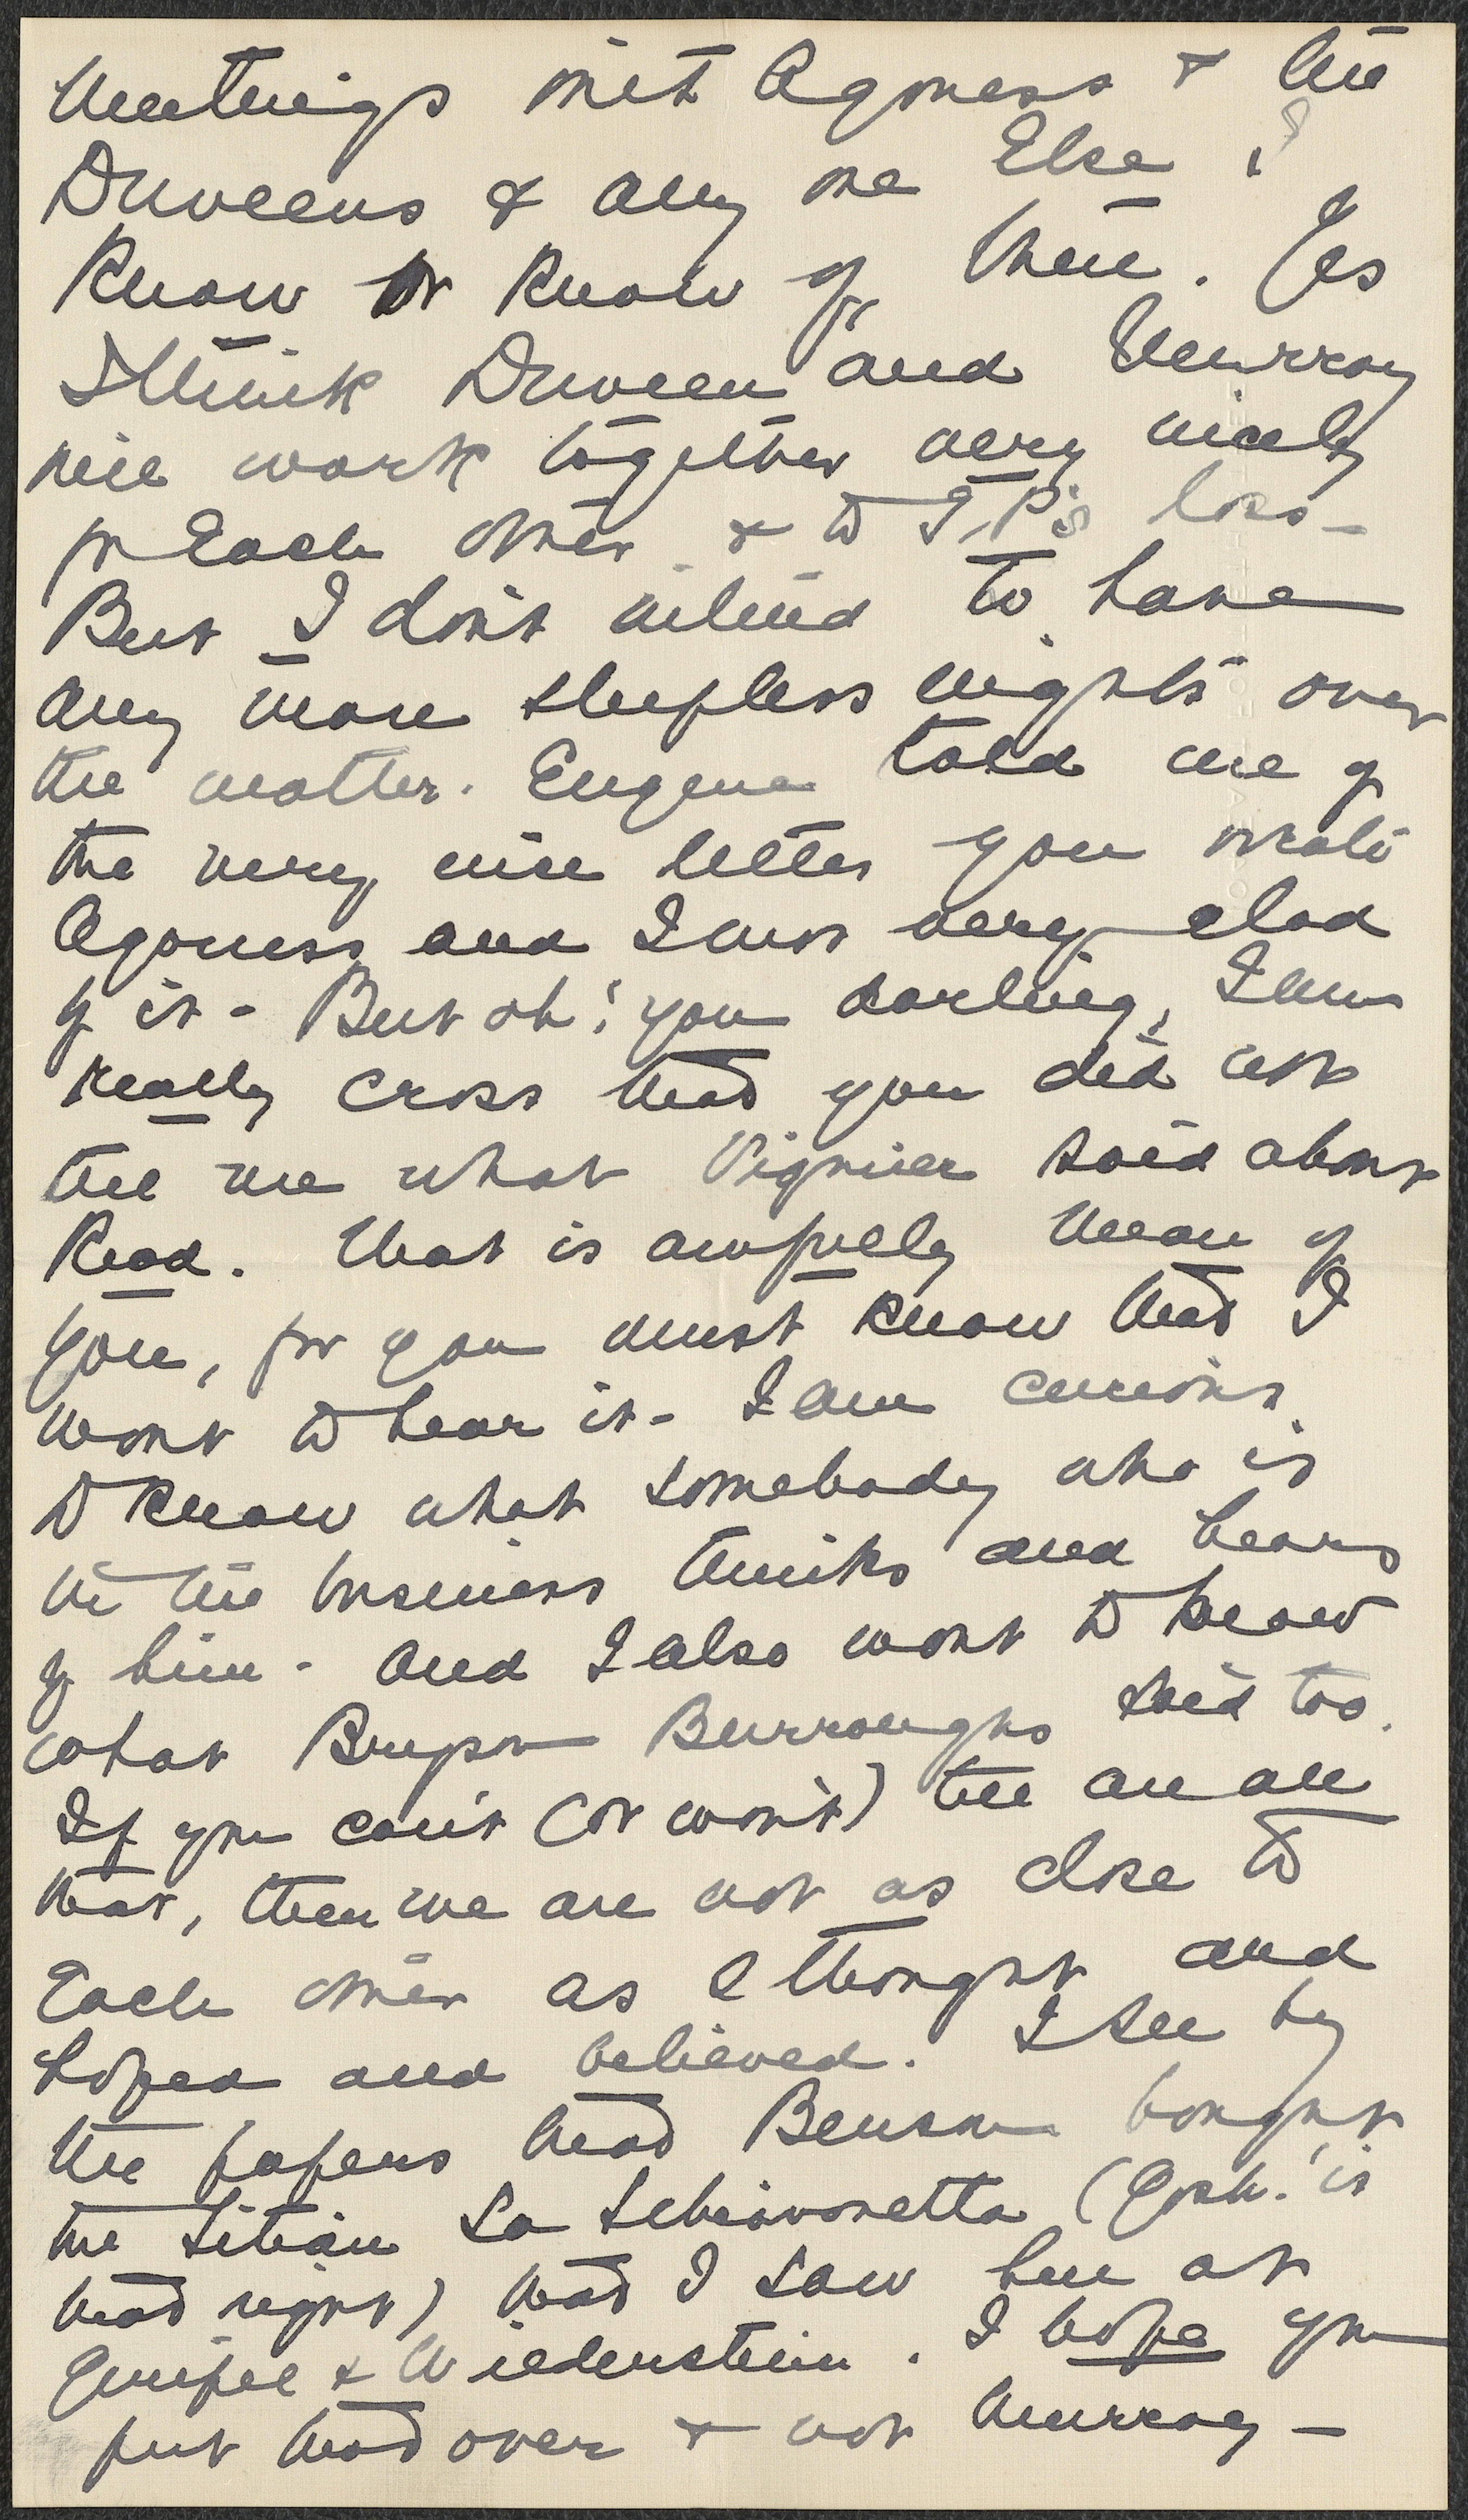meetings with Agoness & the Duveens & anyone else I know or know of there. Yes I think Duveen and Murray will work together very nicely for each other & to J. P’s loss – But I don’t intend to have any more sleepless nights over the matter. Eugene told me of the very nice letter you wrote Agoness and I was very glad of it – But oh! you farling, I am really cross that you did not tell me what Vignier said about Read. That is awfully mean of you, for you must know that I want to hear it – I am curious to know what somebody who is in the business thinks and hears of him – and I also want to know what Bryson Burroughs said too. If you can’t (or won’t) tell me all that, then we are not as close to each other as I thought and hoped and believed. I see by the papers that Benson bought the Titian La Schiavonetta (gosh! is that right) that I saw here at Gimpel & Wildenstein. I hope you put that over & not Murray –